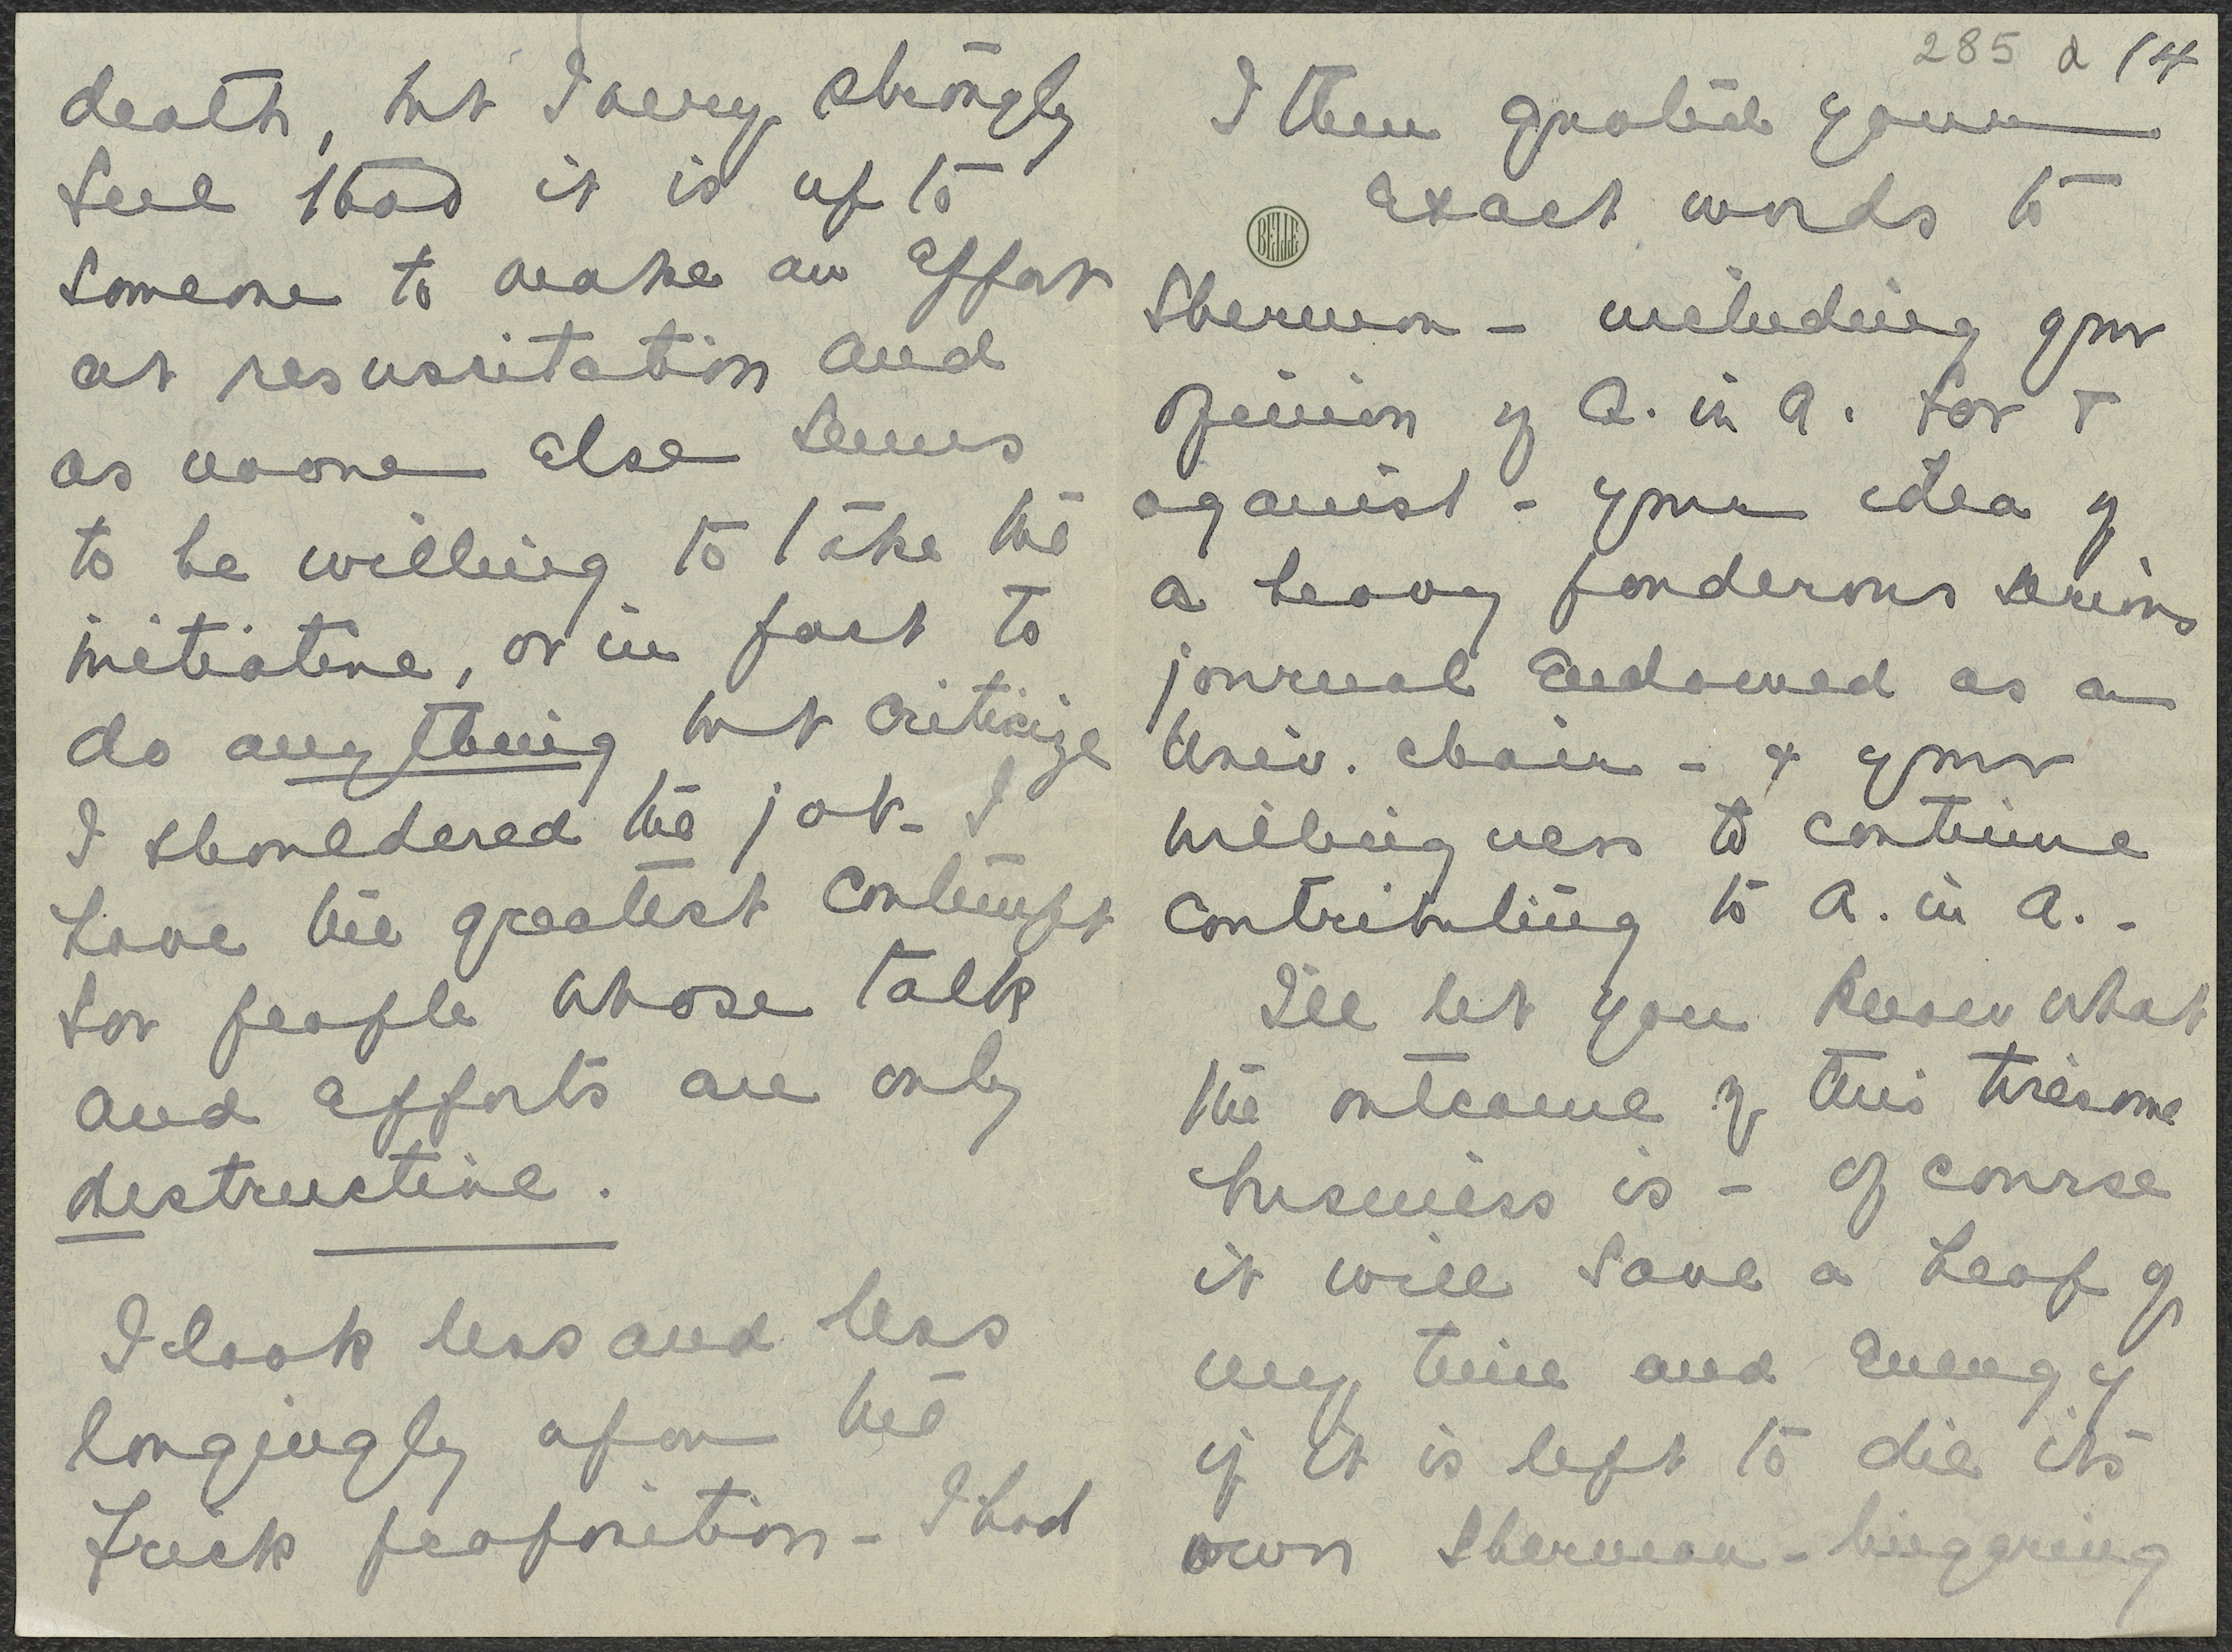I then quoted your exact words to Sherman – including your opinion of A. in A. for & against – your idea of a heavy ponderous serious journal endowed as a Univ. chair – & your willingness to continue contributing to A. in A. –
I’ll let you know what the outcome of this tiresome business is – Of course it will save a heap of my time and energy if it is left to die its own Sherman-lingering
death, but I very strongly feel that it is up to someone to make an effort at resuscitation and as no one else seems to be willing to take the initiative, or in fact to do anything but criticize I shouldered the job – I have the greatest contempt for people whose talk and efforts are only destructive.
I look less and less longingly upon the Frick proposition – I had